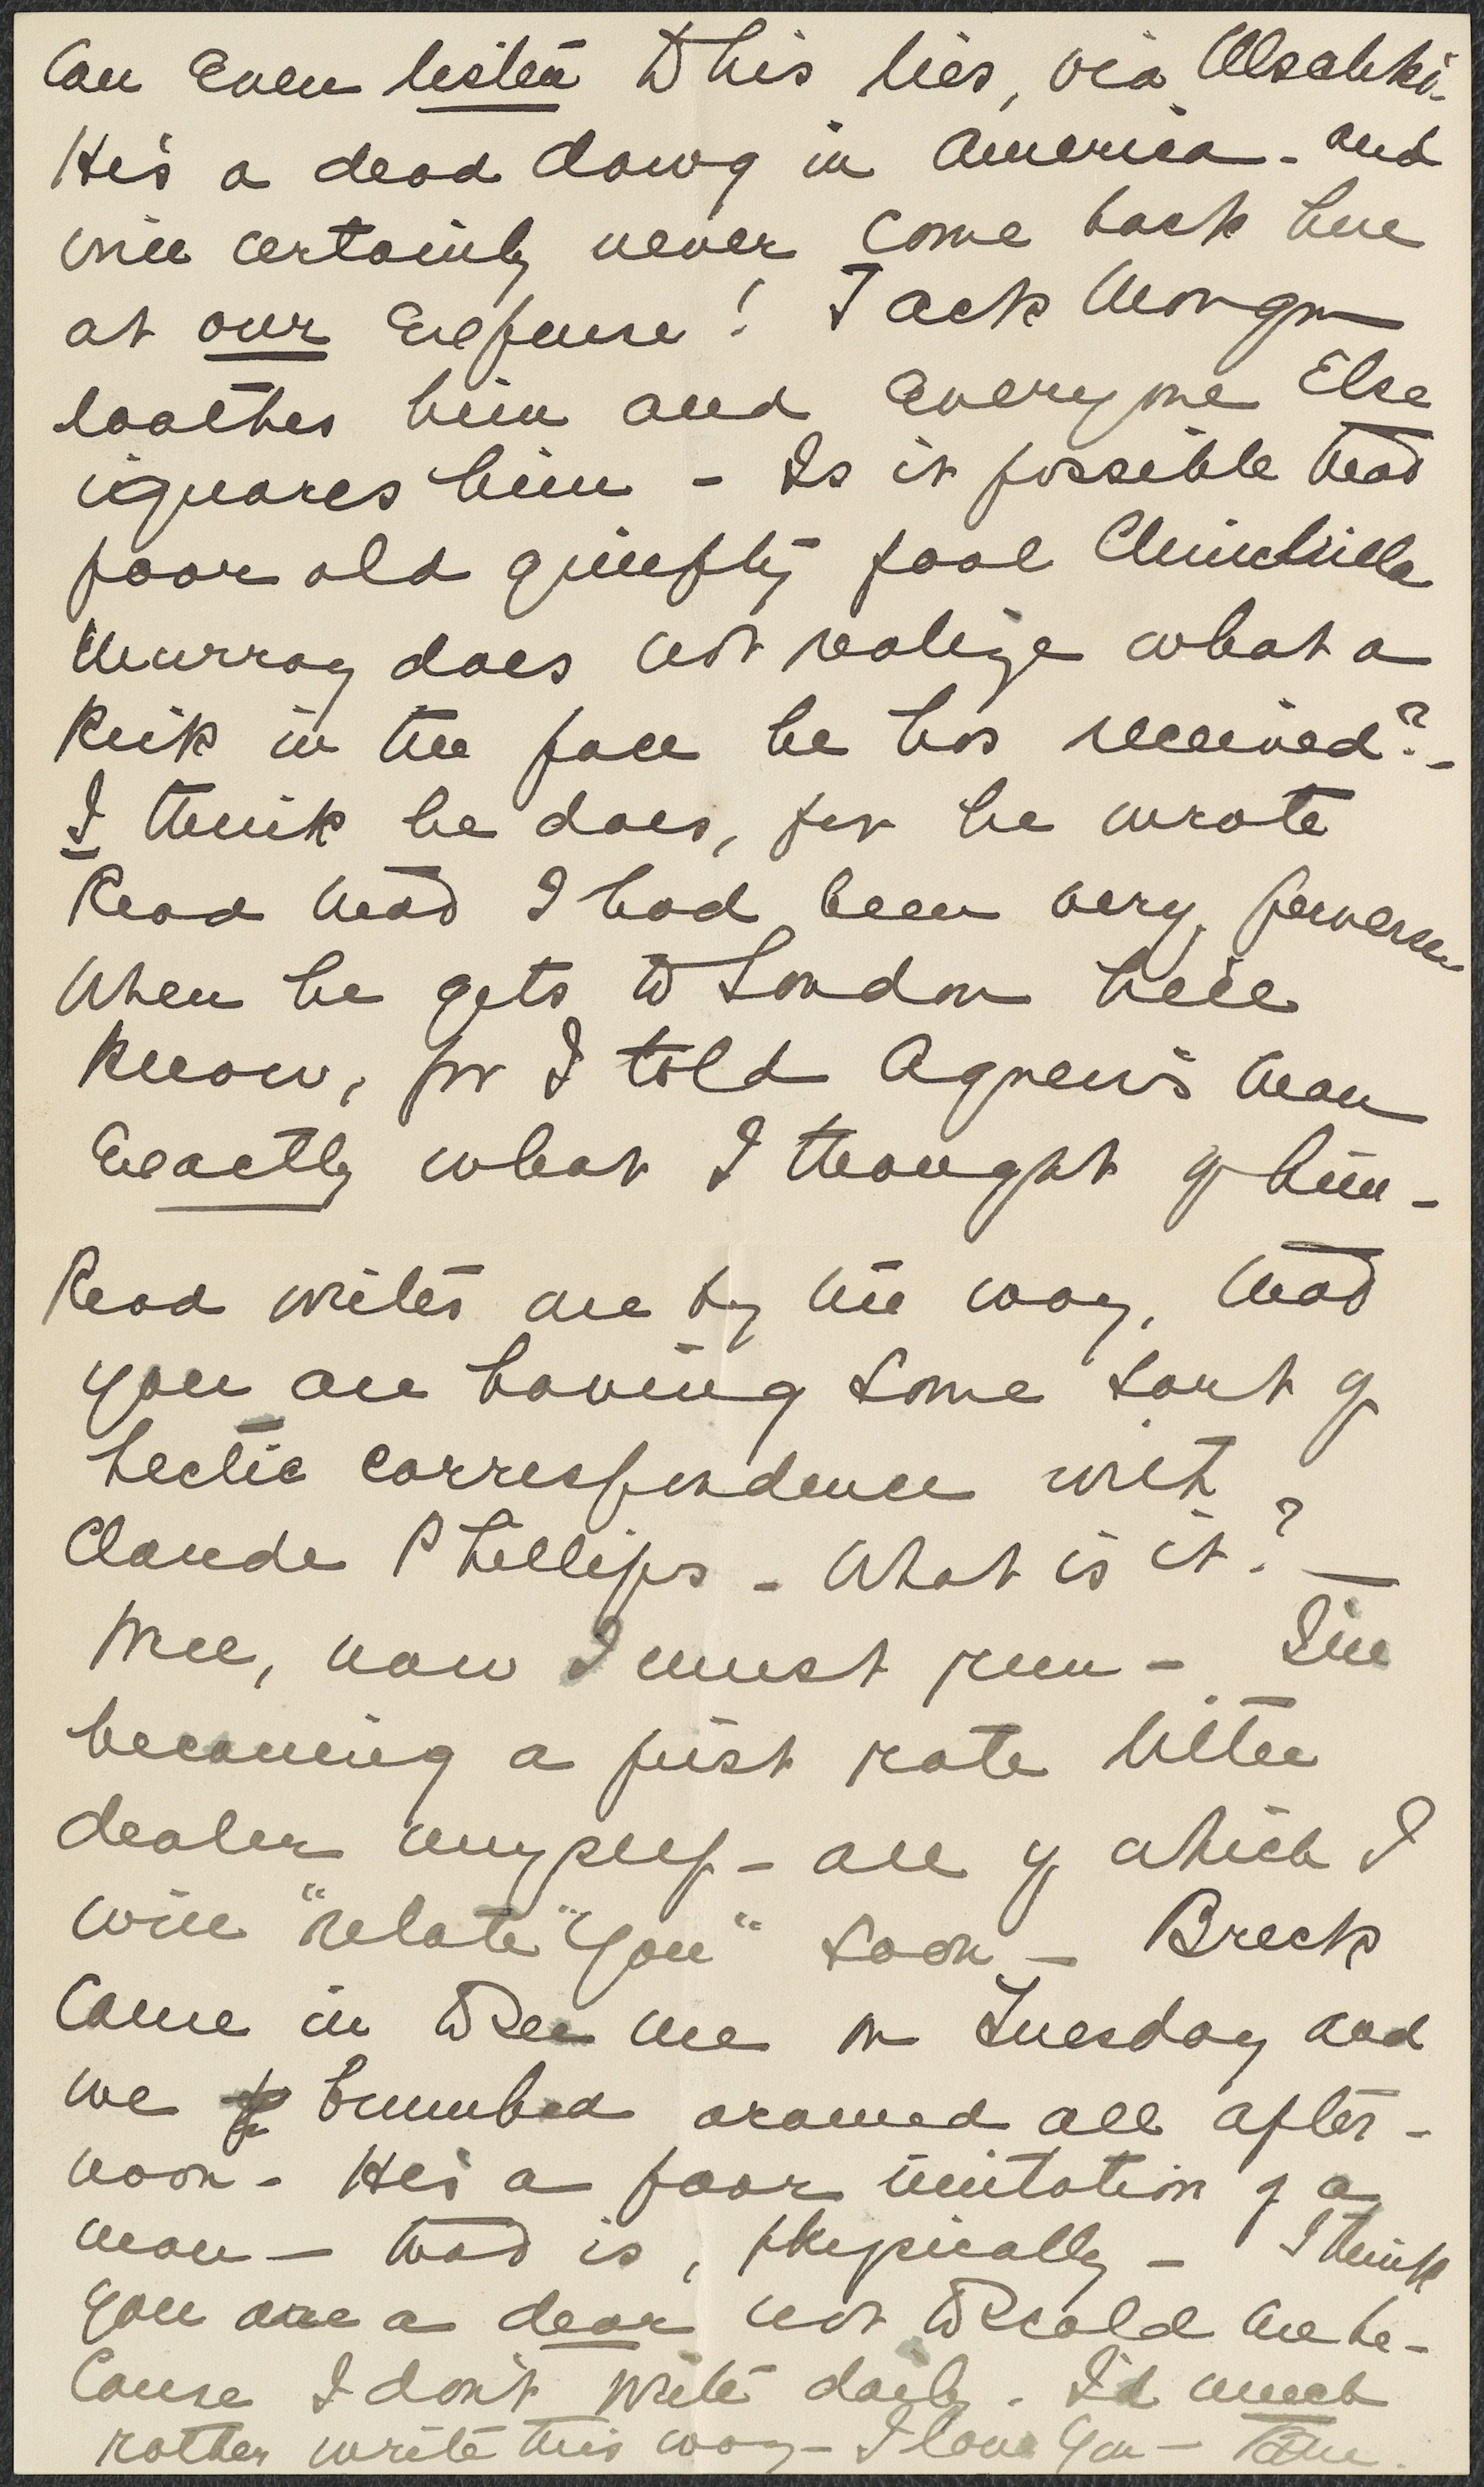can even listen to his lies, via Olschki. He’s a dead dawg in America – and will certainly never come back here at our expense! Jack Morgan loathes him and everyone else ignores him – Is it possible that poor old gimply fool chinchilla Murray does not realize what a kick in the face he has received? I think he does, for he wrote Read that I had been very perverse. When he gets to London he’ll know, for I told Agnes’s man exactly what I thought of him – Read writes me by the way, that you are having some sort of hectic correspondence with Claude Phillips – What is it? – Well, now I must run – I’m becoming a first rate bitter dealer myself – all of which I will “relate You” soon – Breck came in to see me on Tuesday and we f bumbled around all afternoon – He’s a poor imitation of a man – that is, physically – I think you are a dear not to scold me because I don’t write daily. I’d much rather write this way – I love you – Belle.